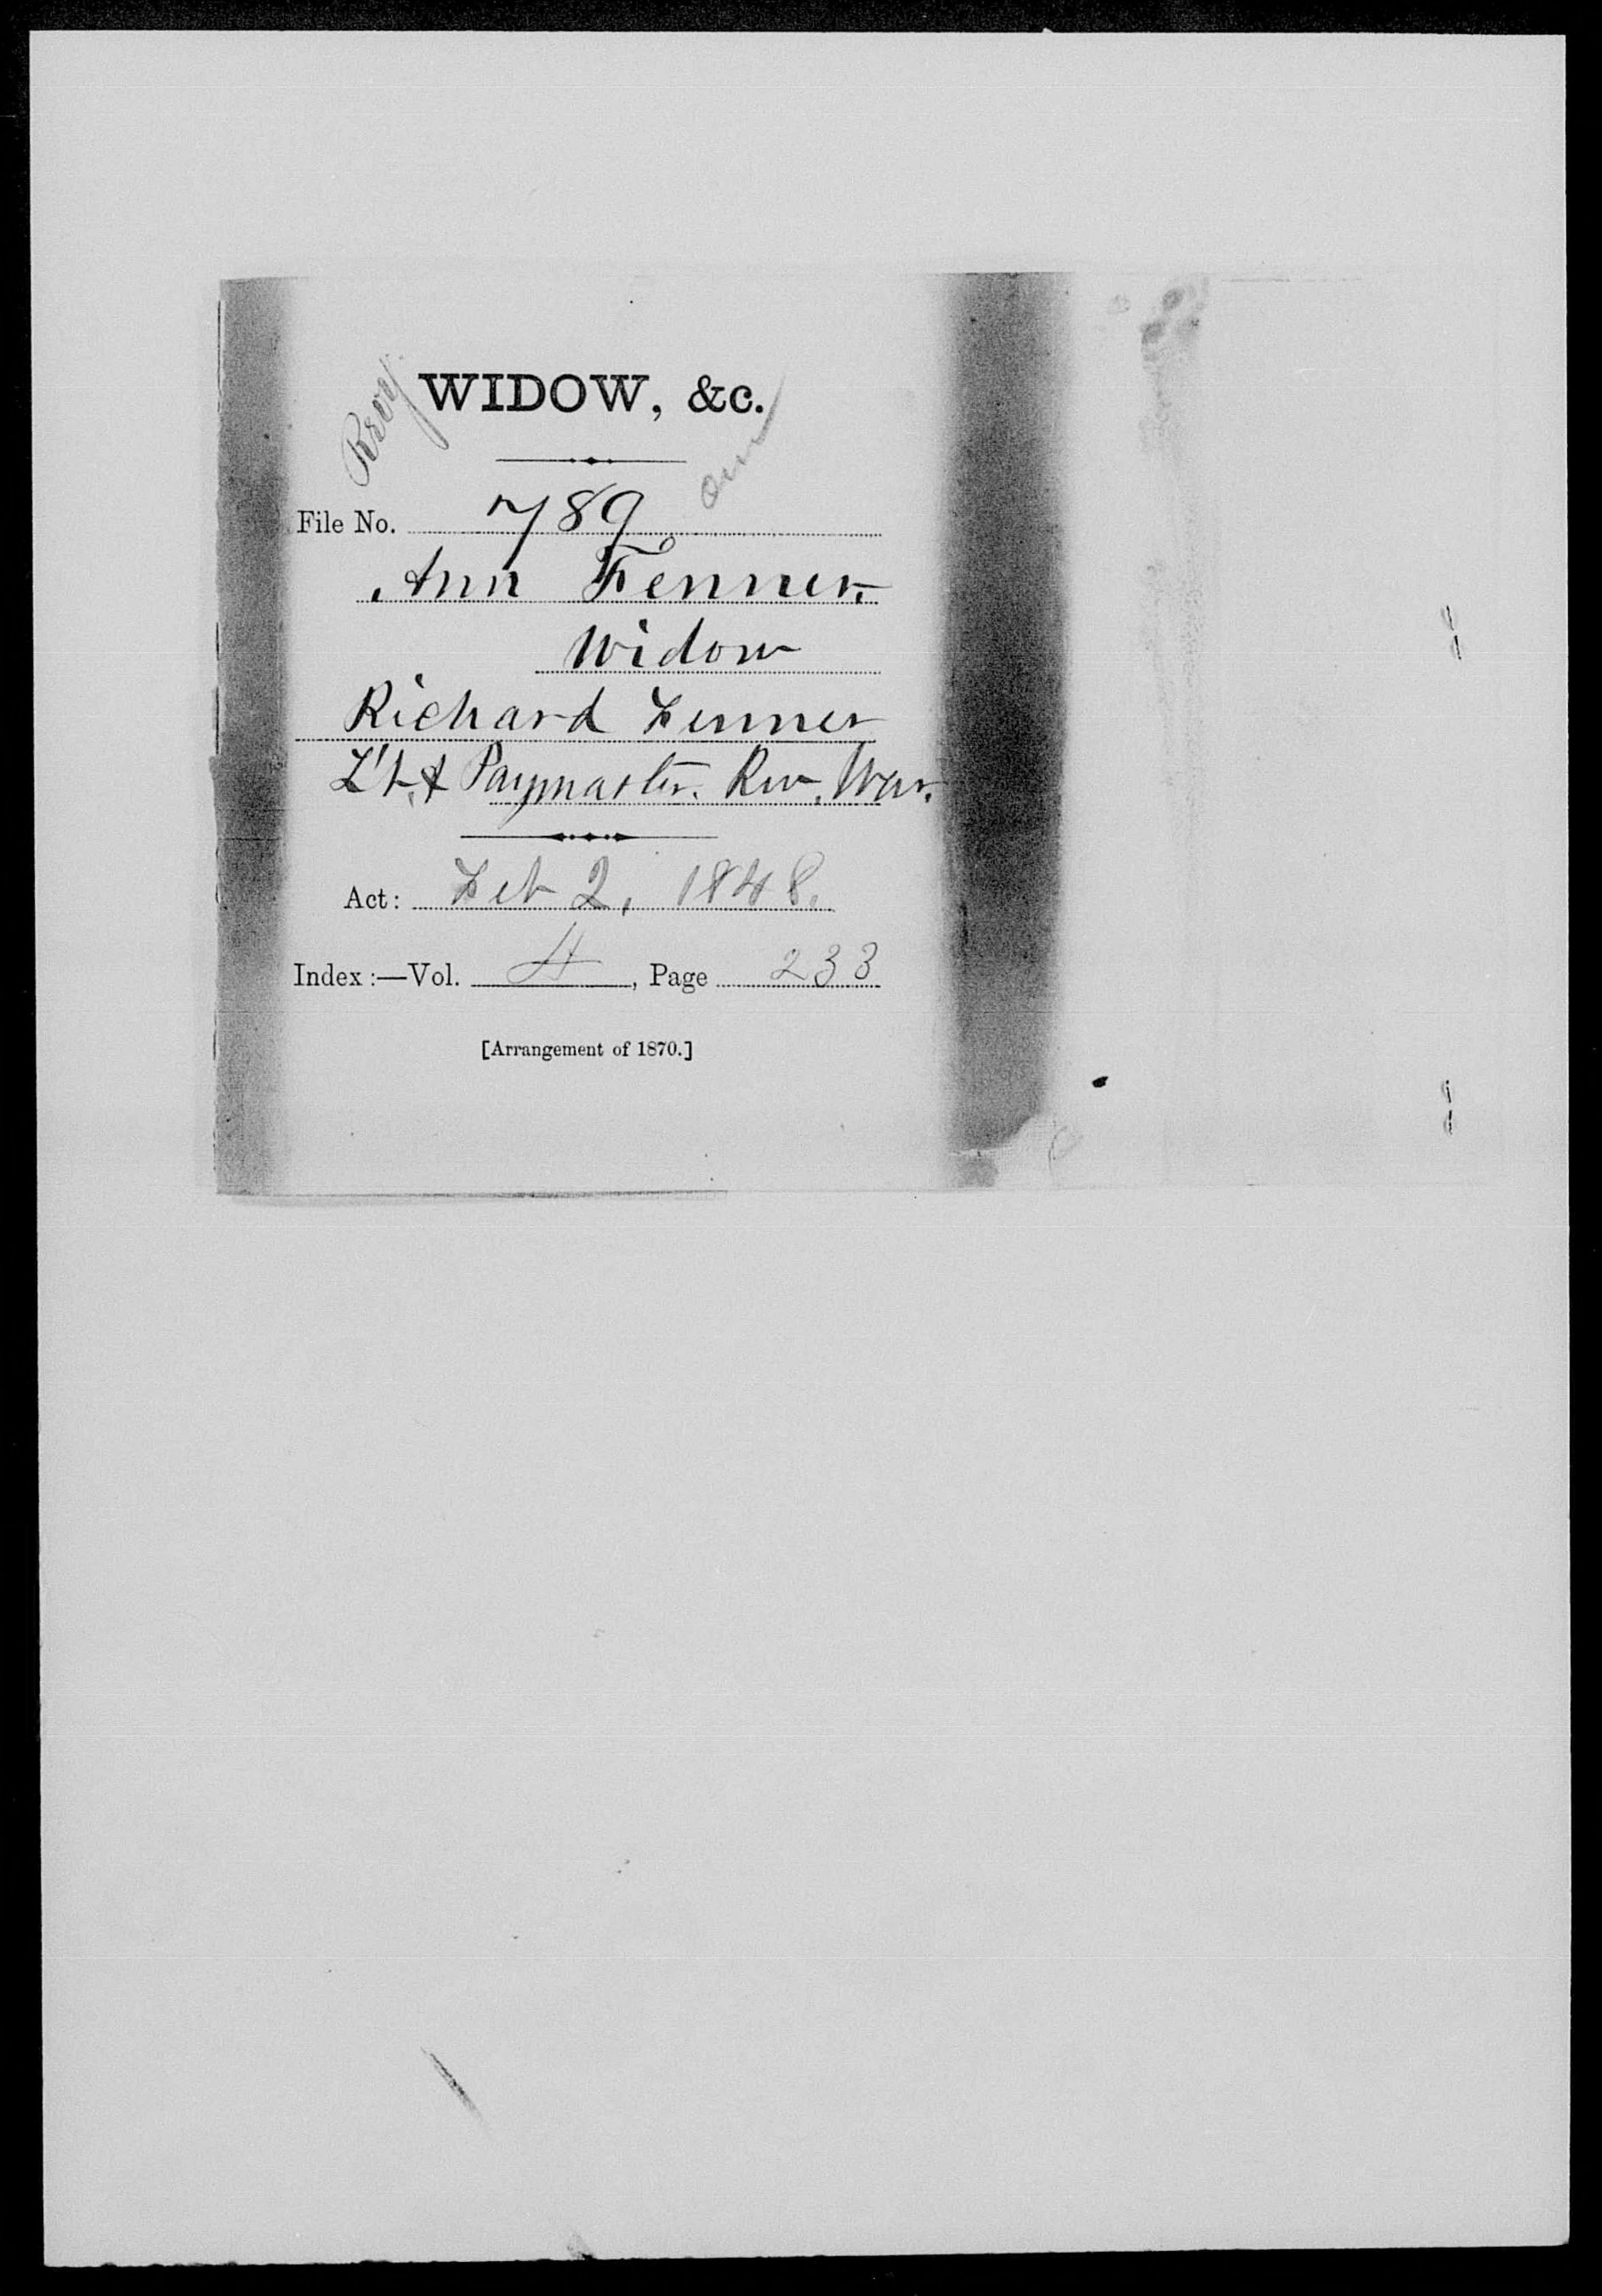Widow, &c.

File No. 789
Ann Fenner, Widow

Richard Fenner
Lt. & Paymaster, Rev. War.

Act: Feb 2, 1848

Index: - Vol. H, Page 233

(Arrangement of 1870)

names: Ann Fenner, Richard Fenner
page: 9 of 39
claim: widow's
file: W. 789, Richard Fenner, N.C.